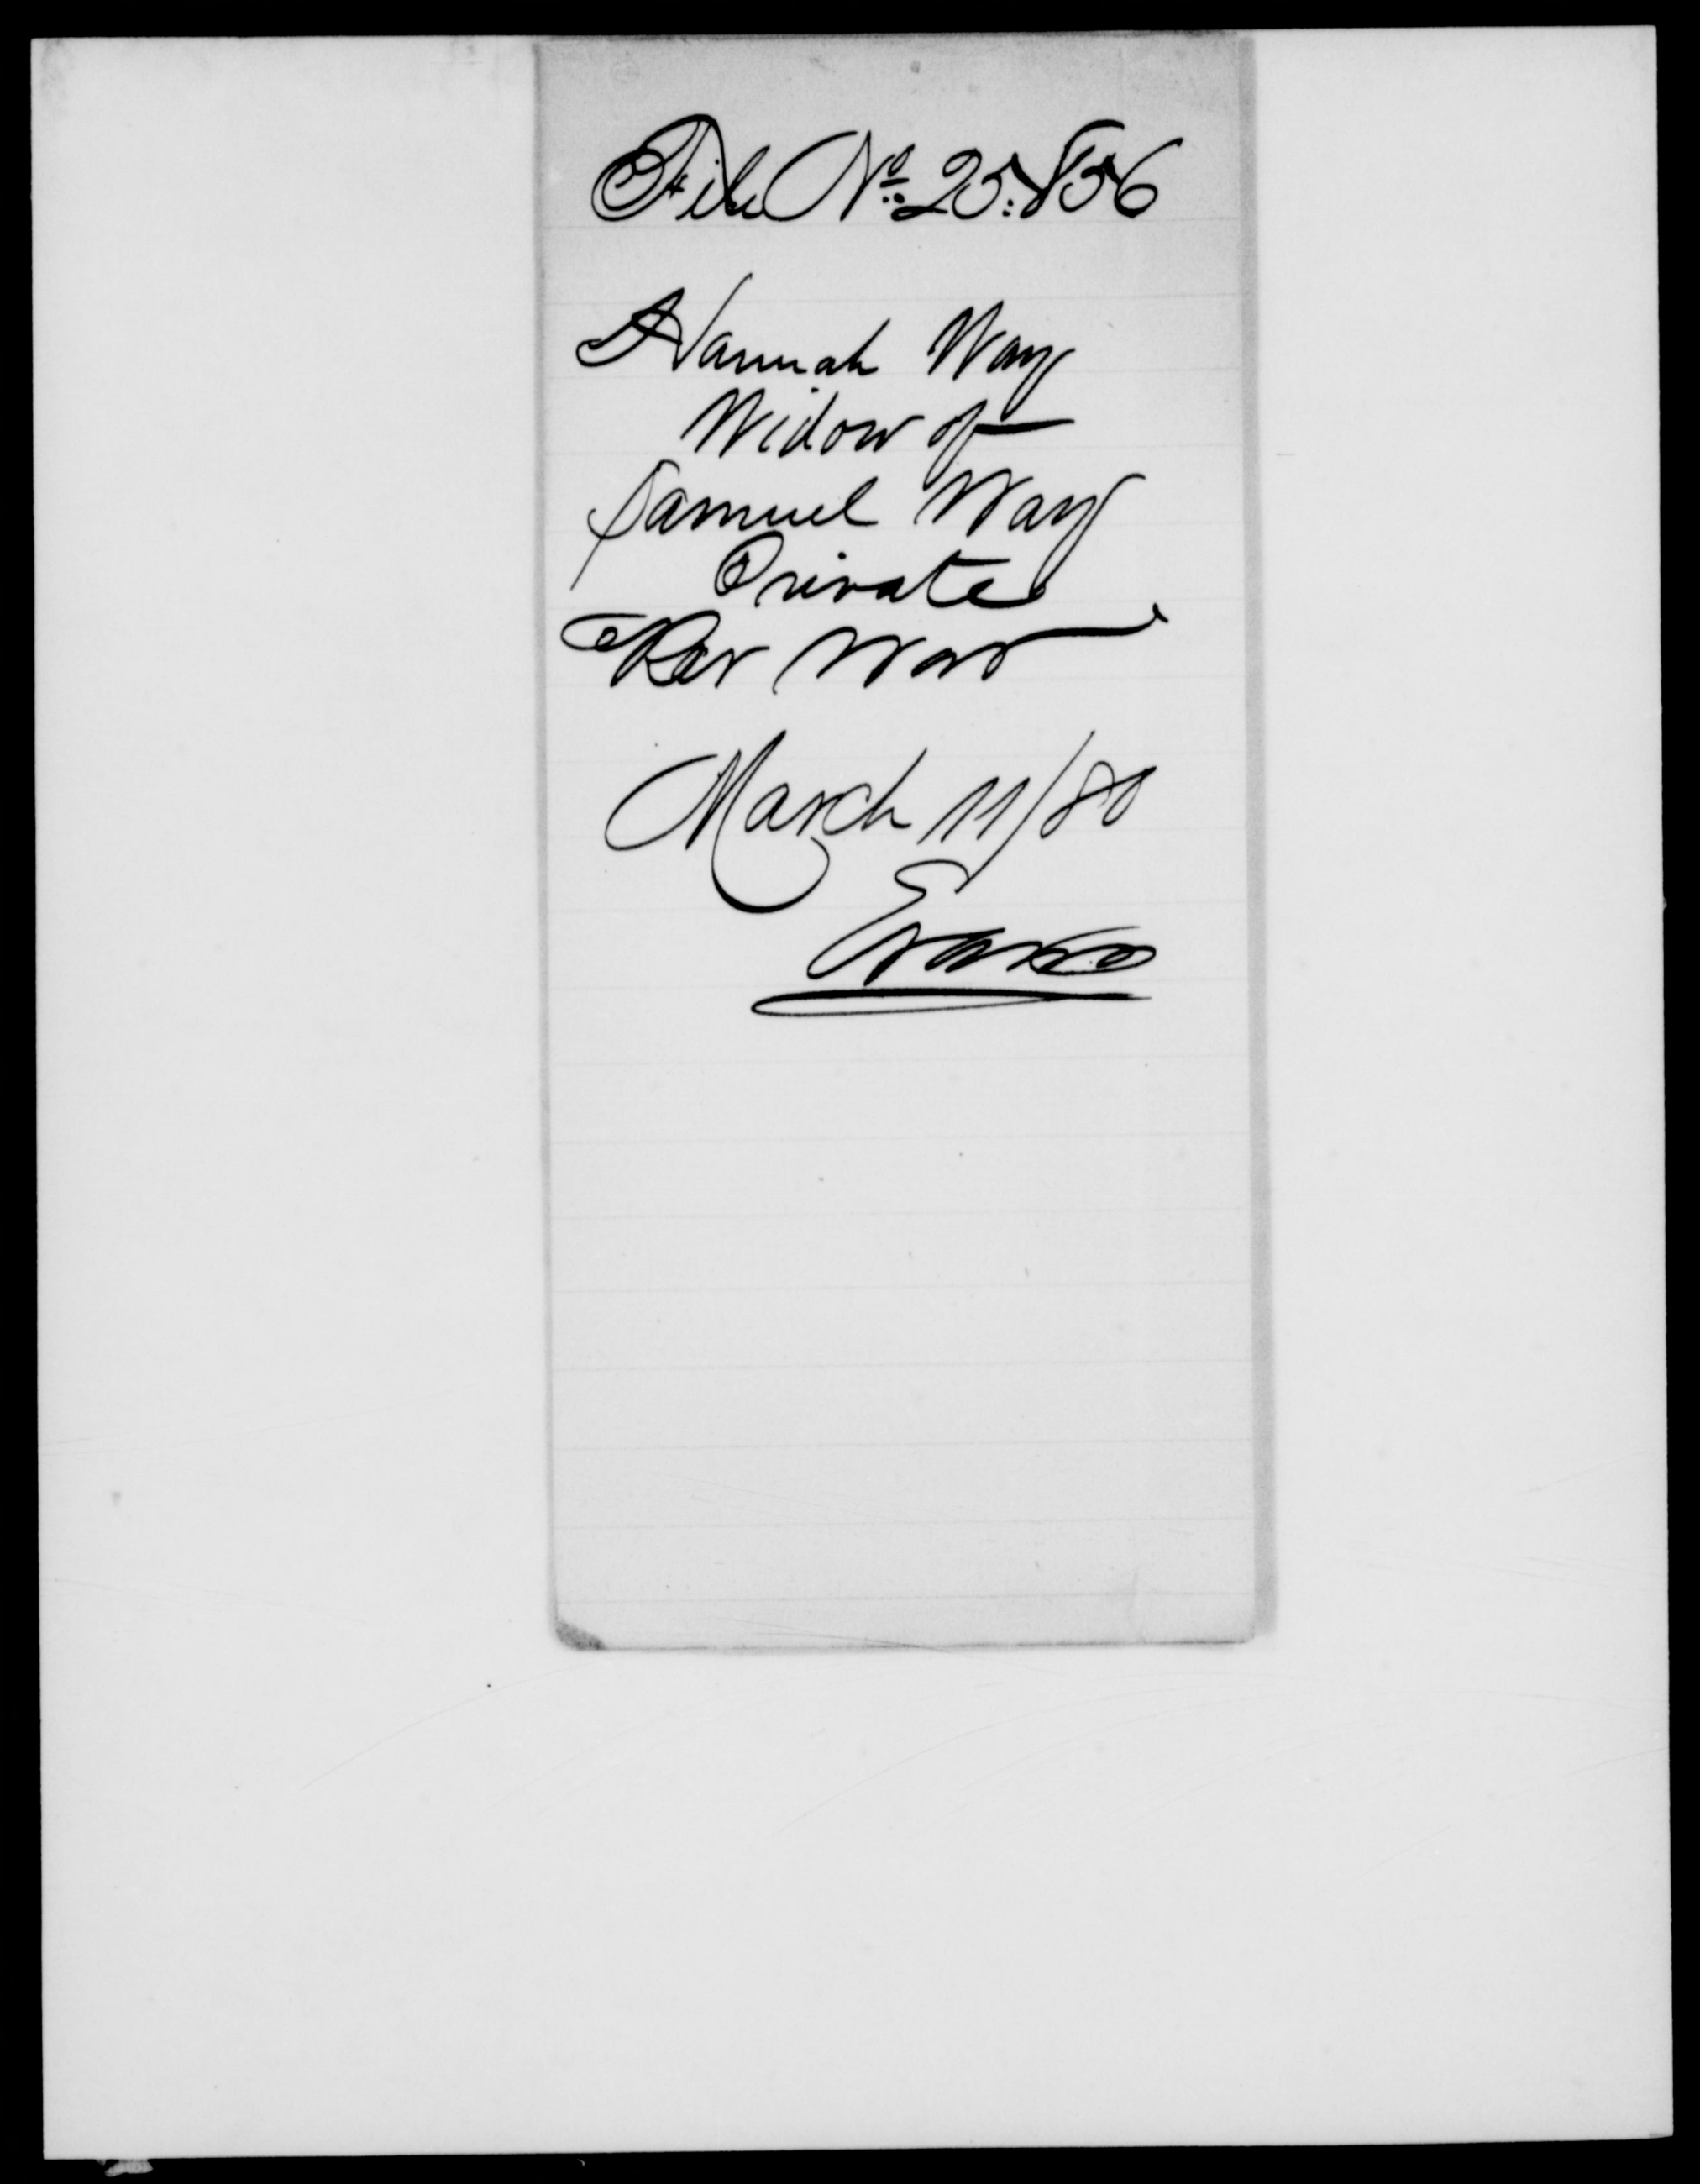File No 25.856
Hannah Way
Widow of
Samuel Way
Private
Rev War
March 11/80
[illegible]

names: Samuel Way, Hannah Way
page: 66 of 78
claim: widow's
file: W. 25856, Samuel Way, N.H.